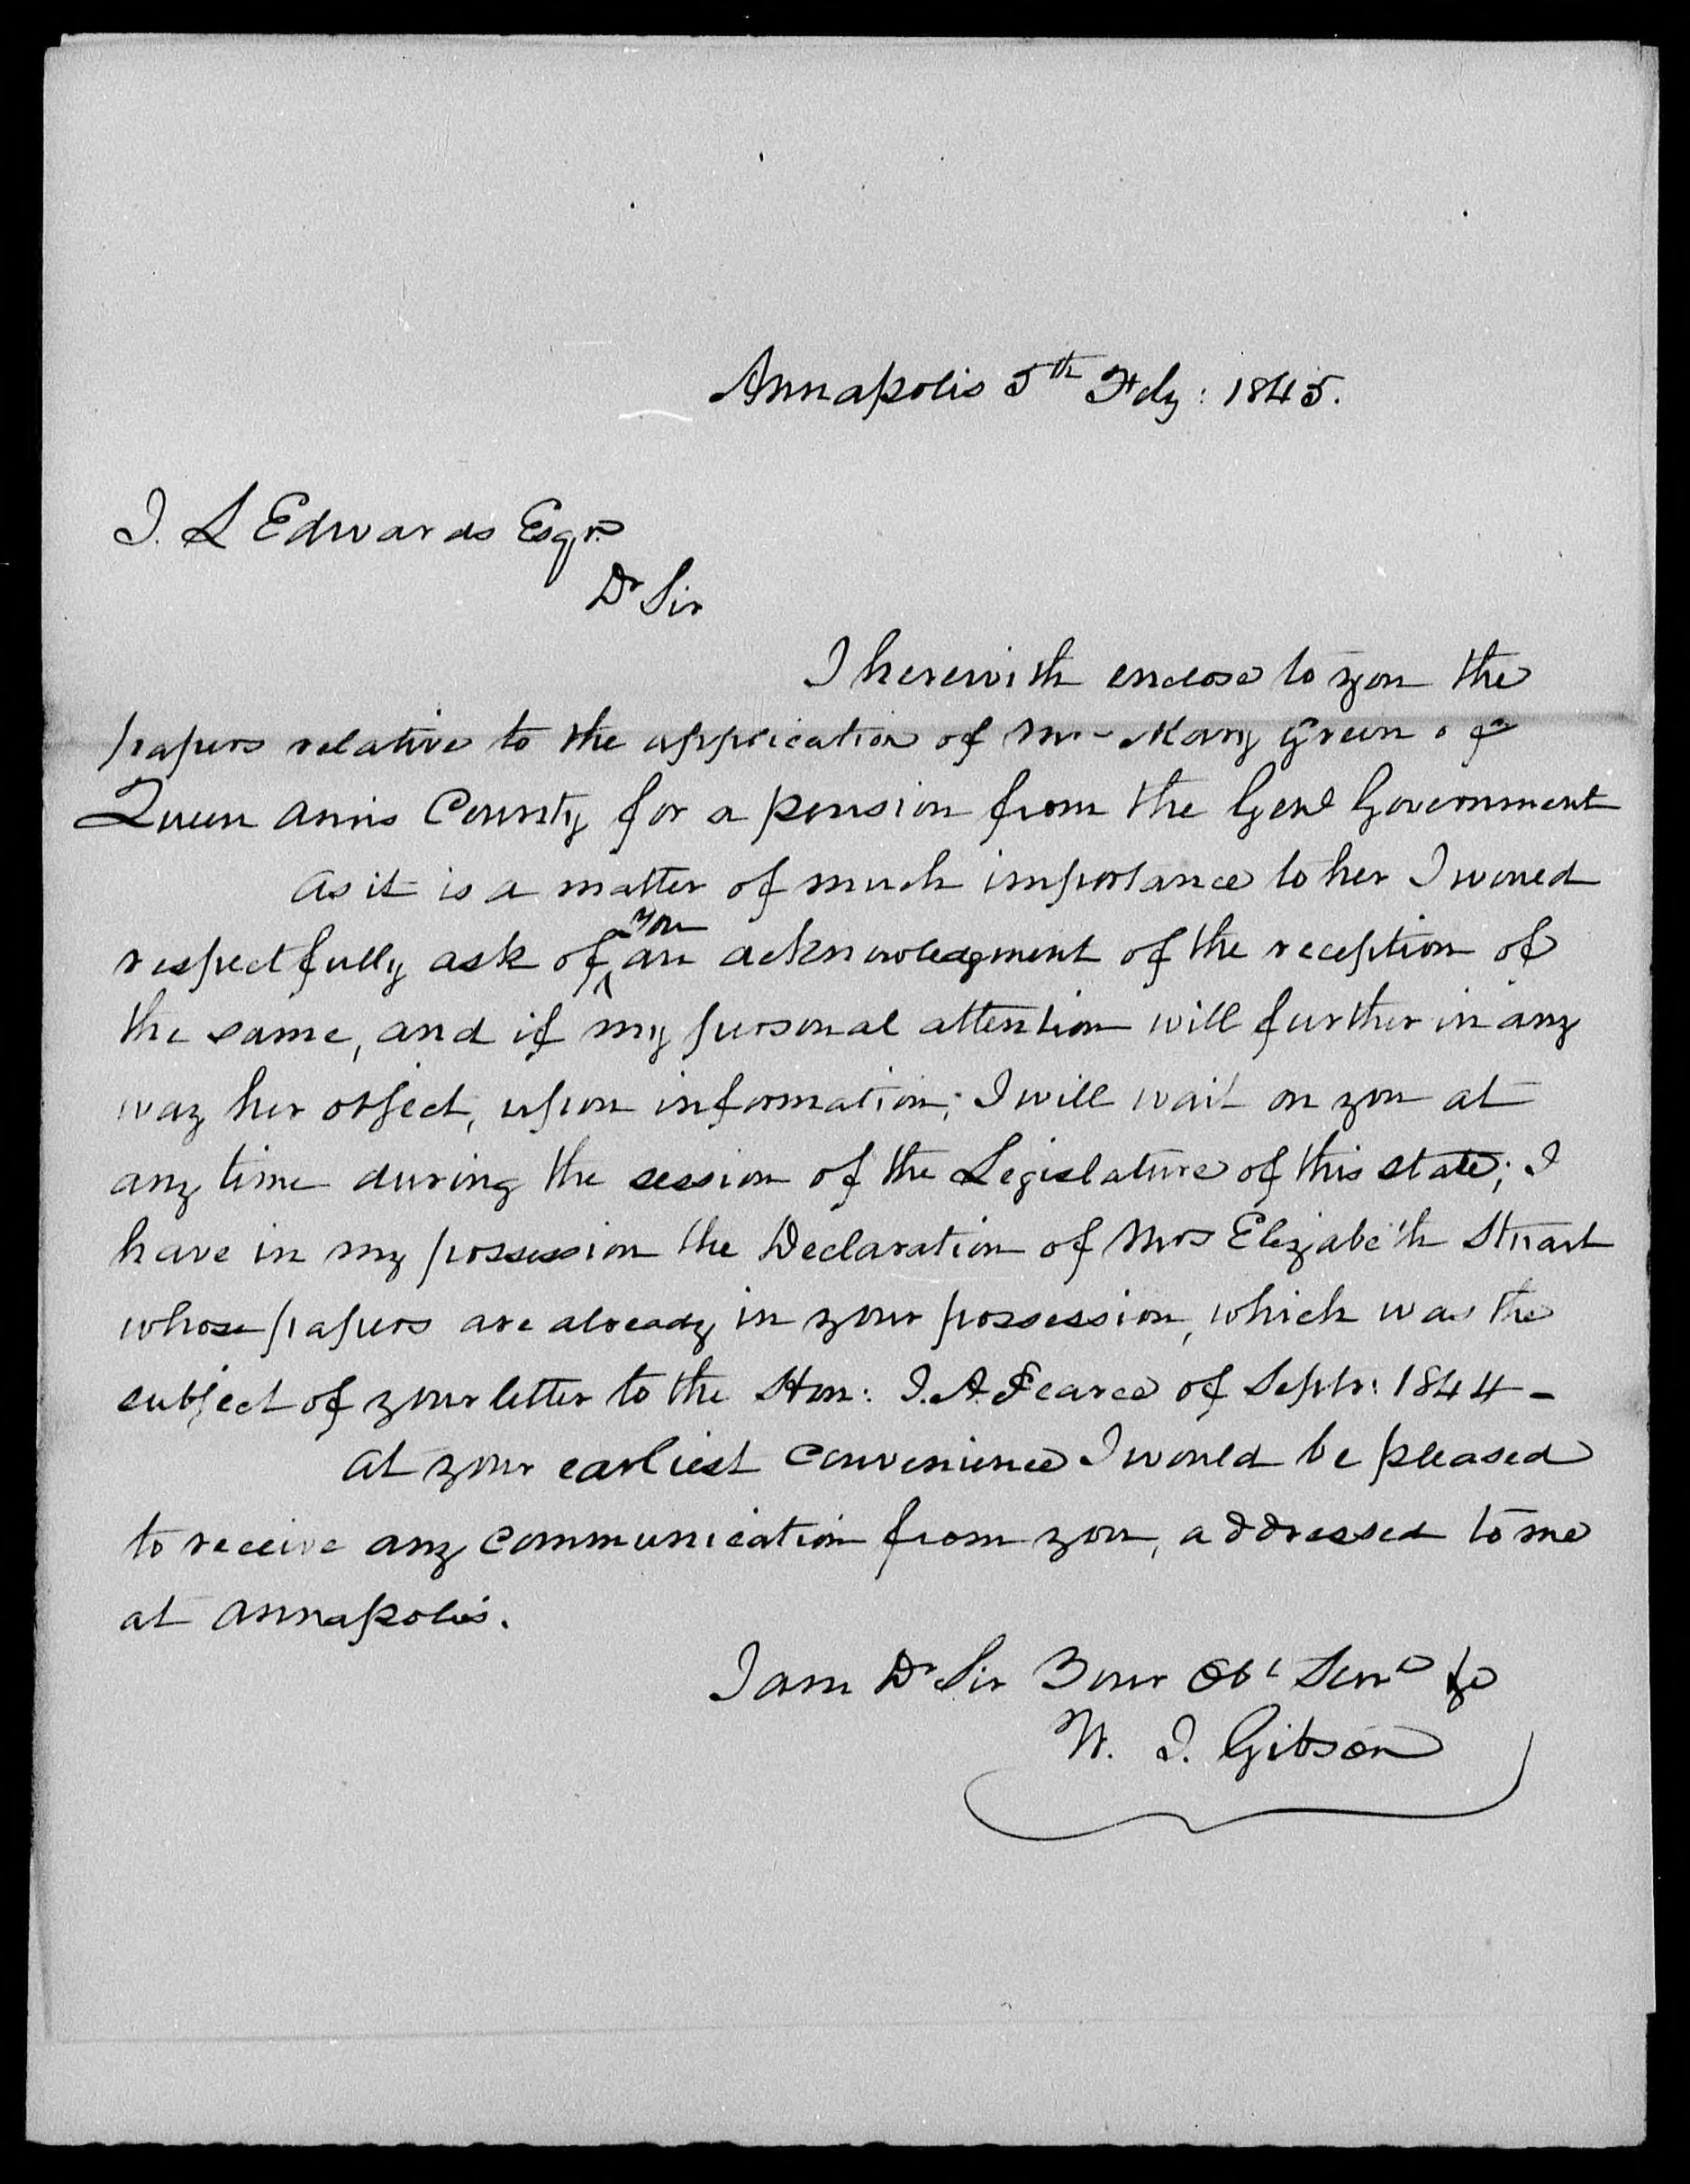Annapolis 5th July: 1845

J.L Edwards Esqr.
Dr [dear] Sir
I herewith enclose to you the papers relative to the application of Mrs Mary Green of Queen Anne's County for a pension from the Genl Government
As it is a matter of much importance to her I would respectfully ask of (^you) an acknowledgment of the reception of the same, and if my personal attention will further in any way her object, upon information, I will wait on you at any time during the session of the Legislature of this state; I have in my possession the Declaration of Mrs. Elizabeth Stuart whose papers are already in your possession, which was  the subject of your letter to the Hon: J.A. Pearce of Sept. 1844 -
At your earliest convenience I would be pleased to receive any communication from you, addressed to me at Annapolis.
I am Dr [dear] Sir Your obt Serv [illegible]
W. J. Gibson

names: Mary Green, J L Edwards, Elizabeth Stuart, W J Gibson, J A Pearce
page: 17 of 26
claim: widow's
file: W 25651, Robert Cross, Md.